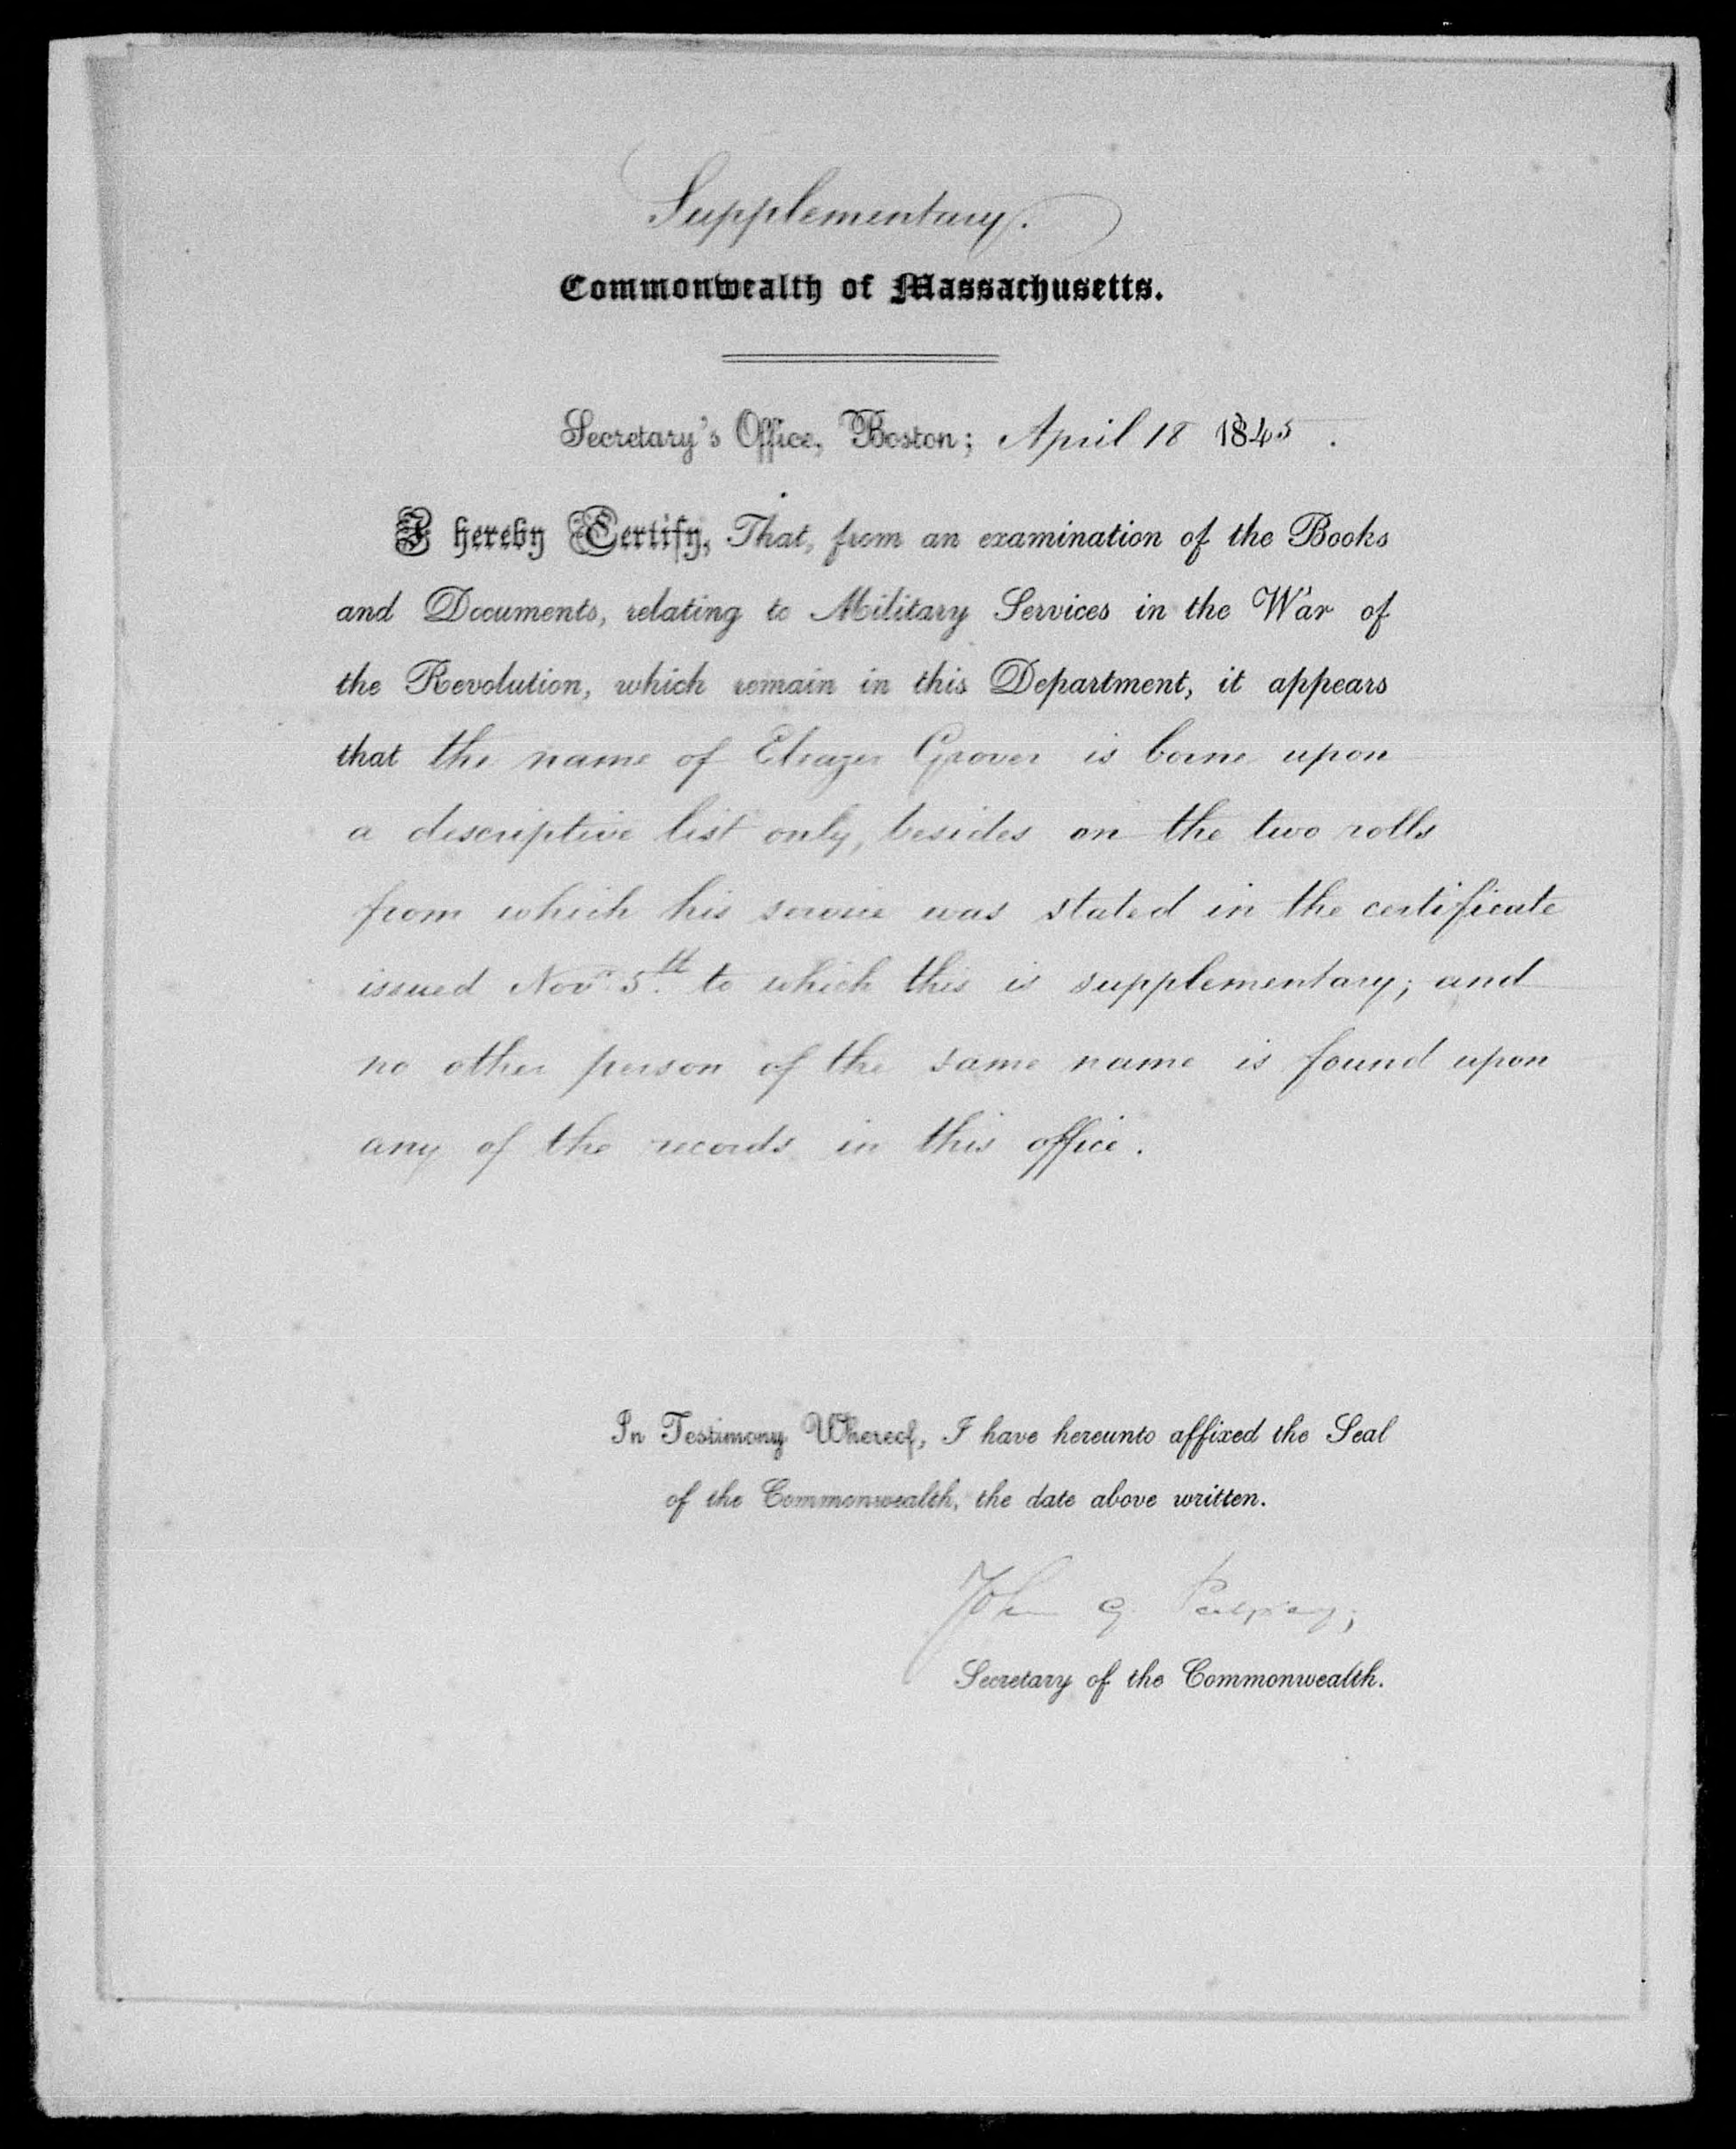Supplementary
Commonwealth of Massachusetts.
Secretary's Office, Boston; April 18 1845.
I hereby Certify, That, from an examination of the Books and Documents, relating to Military Services in the War of the Revolution, which remain in this Department, it appears that the name of Eleazer Grover is borne upon a description list only, besides on the two rolls from which his service was stated in the certificate issued Nov'r 5th to which this is supplementary; and no other person of the same name is found upon any of the records in this office.
In Testimony Whereof, I have hereunto affixed the Seal of the Commonwealth, the date above written. 
/s/John Q. Palfrey
Secretary of the Commonwealth.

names: Eleazer Grover, John Q Palfrey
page: 26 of 43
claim: survivor's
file: S. 28748, Eleazer Grover, Continental Mass. Vt.